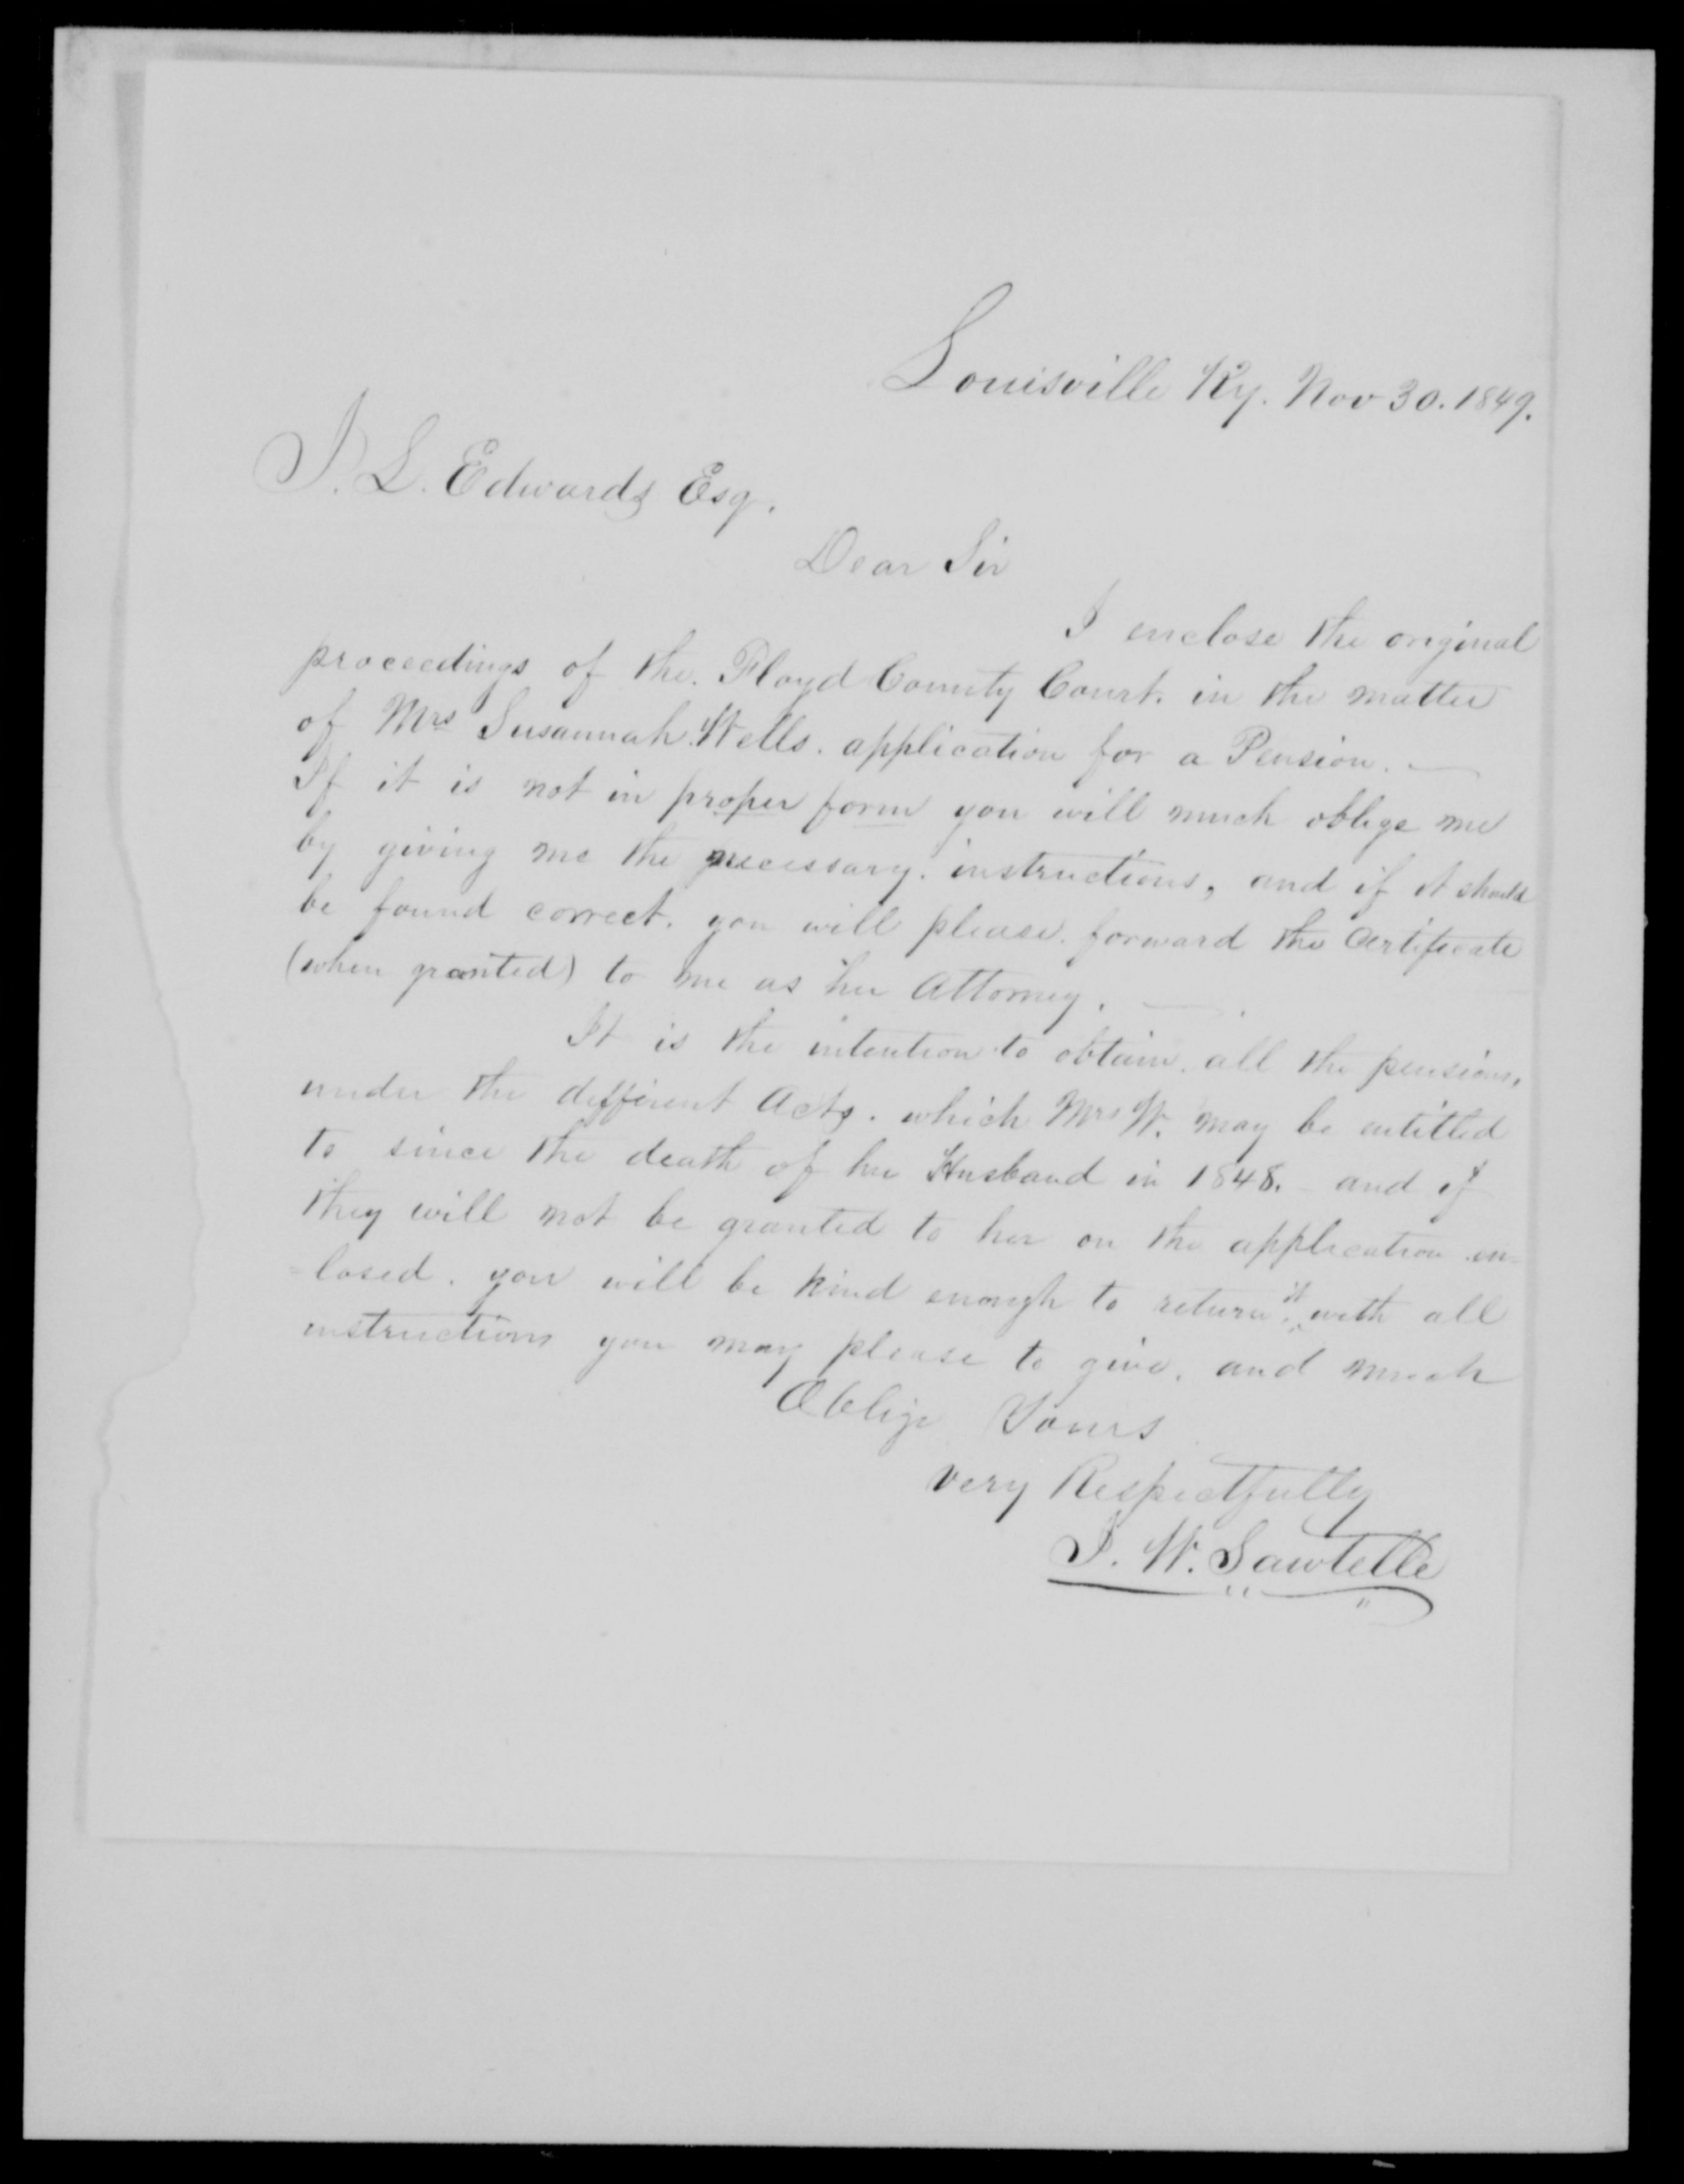J.L. Edwards Esq
Louisville Ky. Nov 30. 1849
Dear Sir
I enclose the original
proceedings of the Floyd County Court in the matter
of Mrs Susannah Wells application for a Pension.
If it is not in proper form you will much oblige me
by giving me the necessary instructions, and if it shall
be found correct, you will please forward the certificate
(when granted) to me as her attorney.
It is the intention to obtain all the pensions,
under the different acts, which Mrs W. may be entitled
to since the death of her Husband in 1848, and if
they will not be granted to her on the application inclosed
 you will be kind enough to return it with all
instructions you may please to give, and much
Oblige yours
Very Respectfully
J. W. Sawtelle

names: J L Edwards, Susannah Wells, J W Sawtelle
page: 67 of 100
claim: widow's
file: W. 6437, Richard Wells, Ga Va.